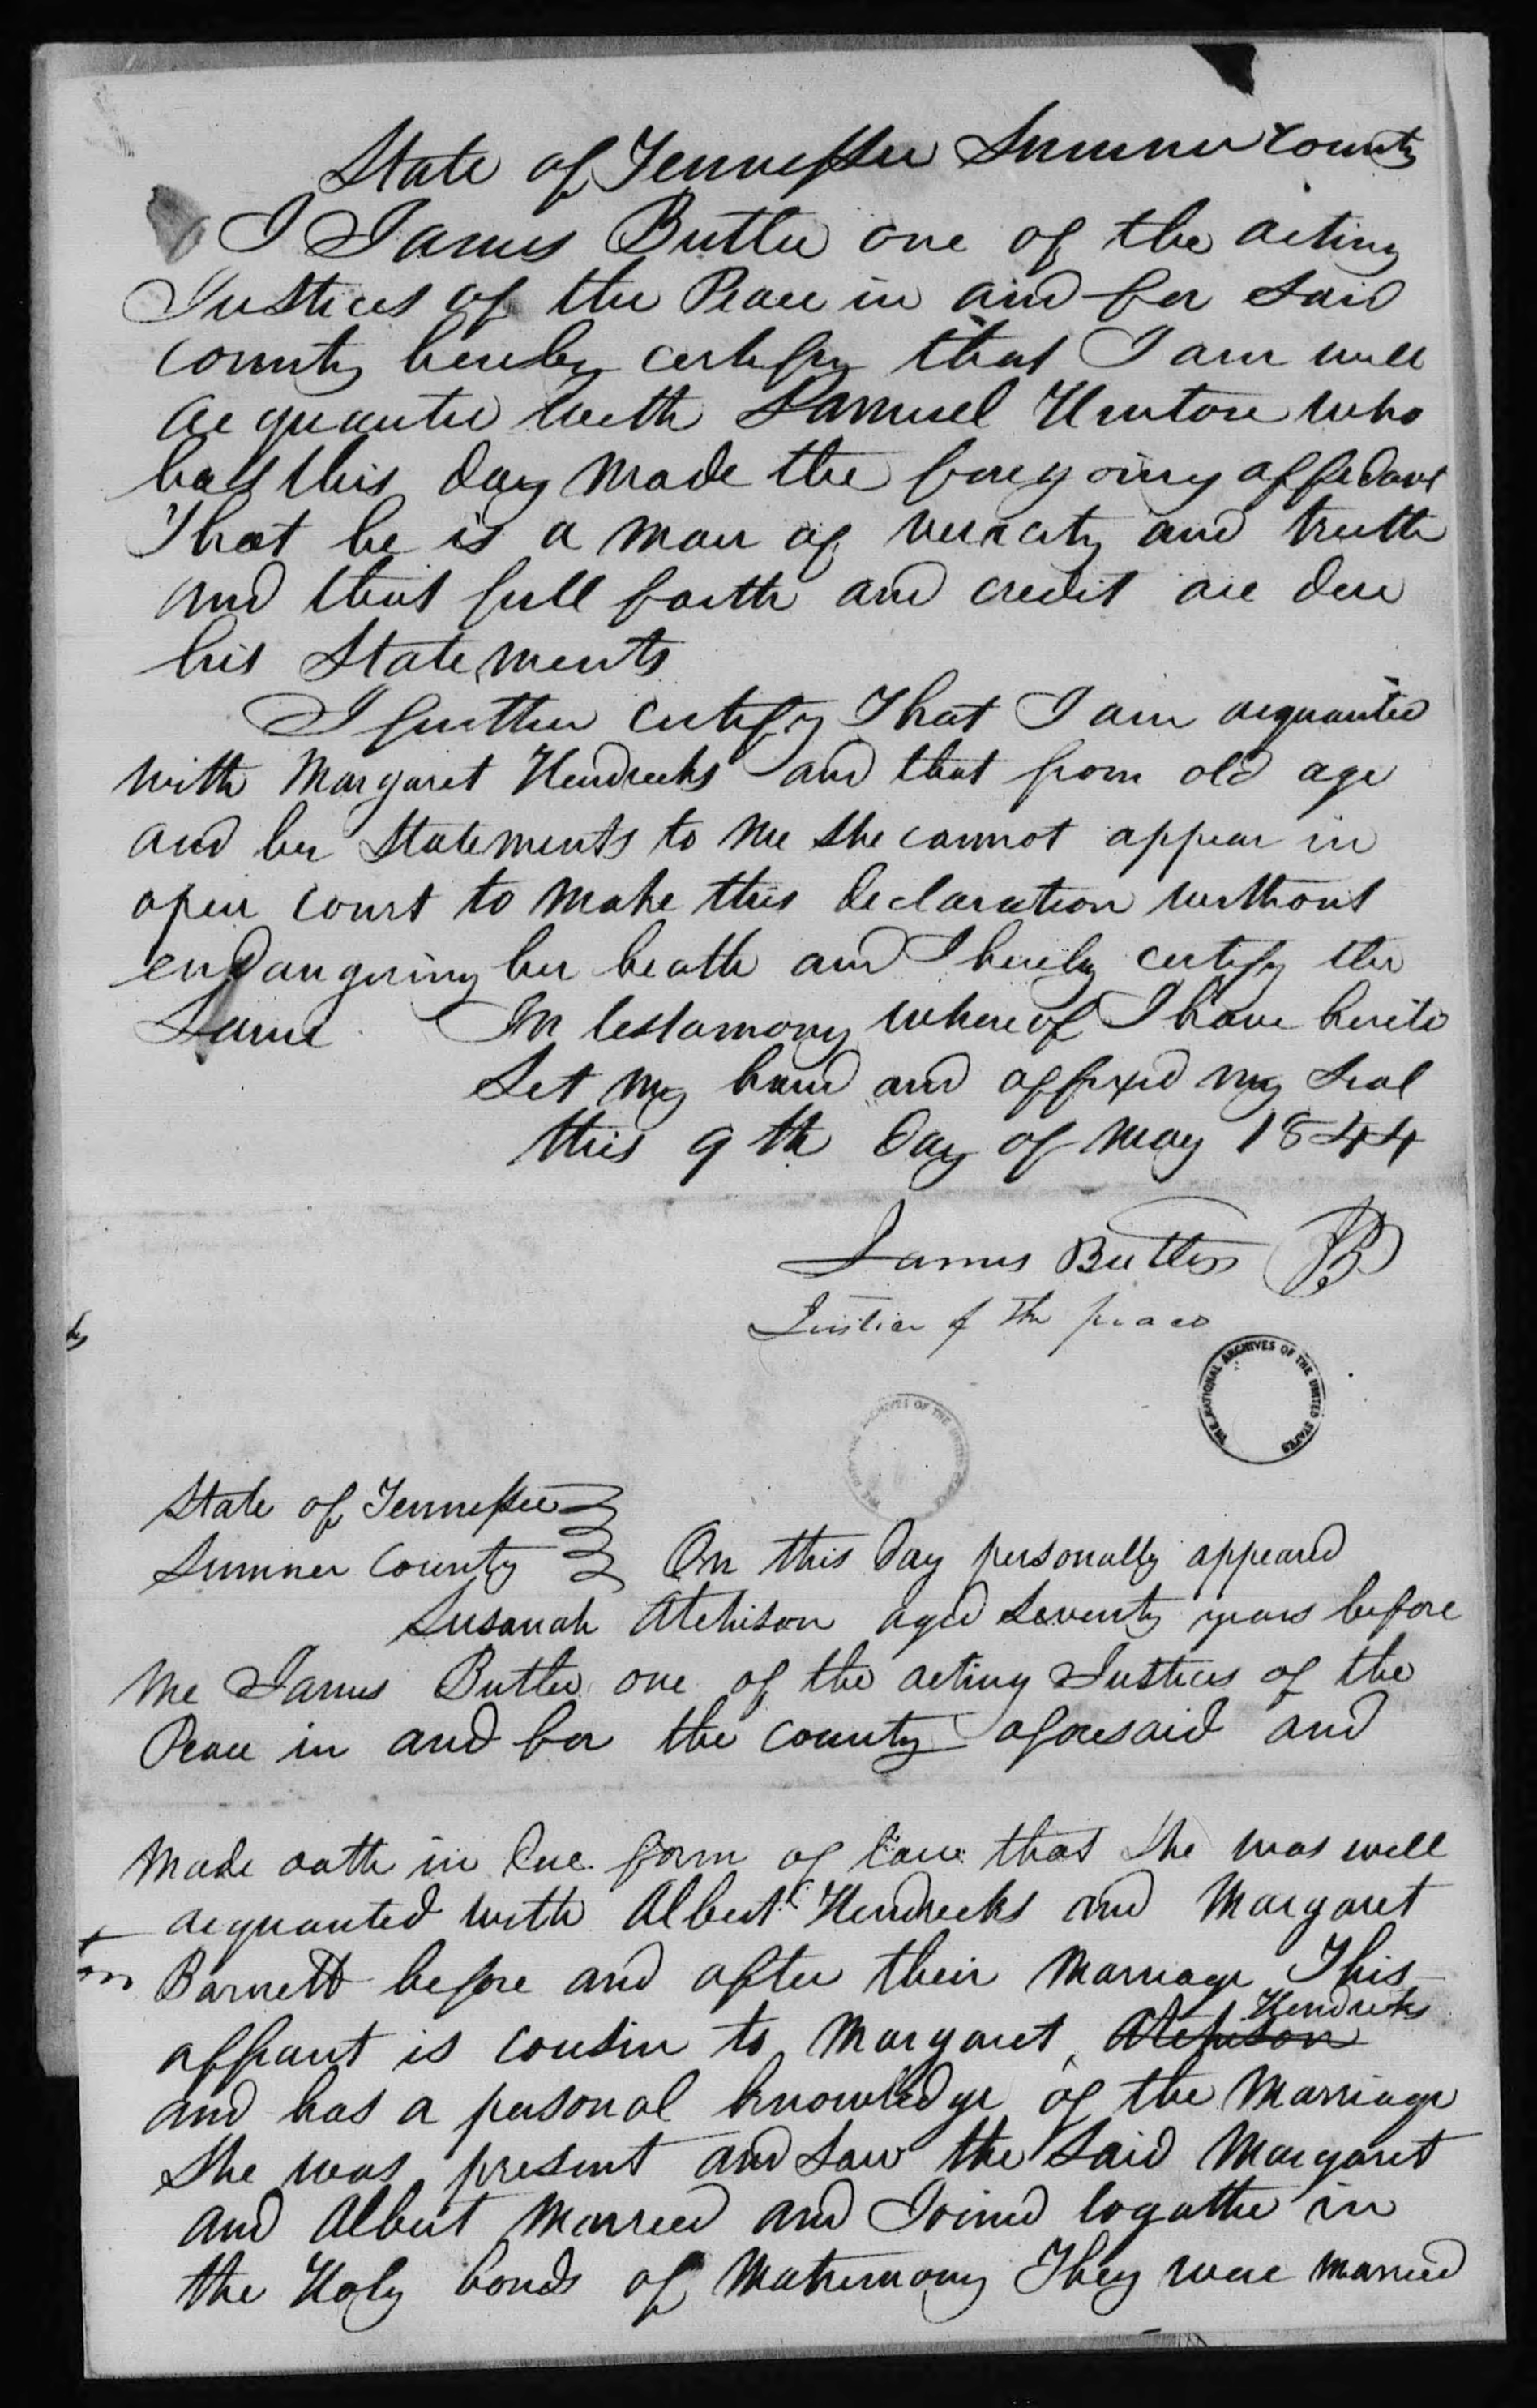State of Tennessee Sumner County
I James Butler one of the acting Justices of the Peace in and for said county hereby certify that I am well acquainted with Samuel Hinton who half this day made the foregoing affidavit.  That he is a man of veracity and truth and that full faith and credit are due his statements.
I further certify that I am acquainted with Margaret Hendricks and that from old age and her statements to me she cannot appear in open court to make this declaration without endangering her health and I hereby certify the same in testimony whereof I have hereto set my hand and affixed my seal this 9th day of May 1844.
James Butler J. P
Justice of the Peace
[Stamp:  National Archives of the United States]
State of Tennessee Sumner County 
On this day personally appeared Susanah Atchison aged seventy years before me James Butler one of the acting Justices of the Peace in and for the county aforesaid and made oath in due form of law that she was well acquainted with Albert Hendricks and Margaret Barnett before and after their marriage.  This affiant is cousin to Margaret [crossed out Atchison] Hendricks and has a personal knowledge of the marriage she was present and saw the said Margaret and Albert married and joined together in the holy bonds of matrimony.  They were married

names: Margaret Hendricks, Margaret Hendricks, Margaret, James Butler, Albert Hendricks, James Butler, Samuel Hinton, Susanah Atchison, James Butler, Margaret Barnett, Albert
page: 7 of 76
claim: widow's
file: W. 83, Albert Hendricks, Continental Md. N.C.